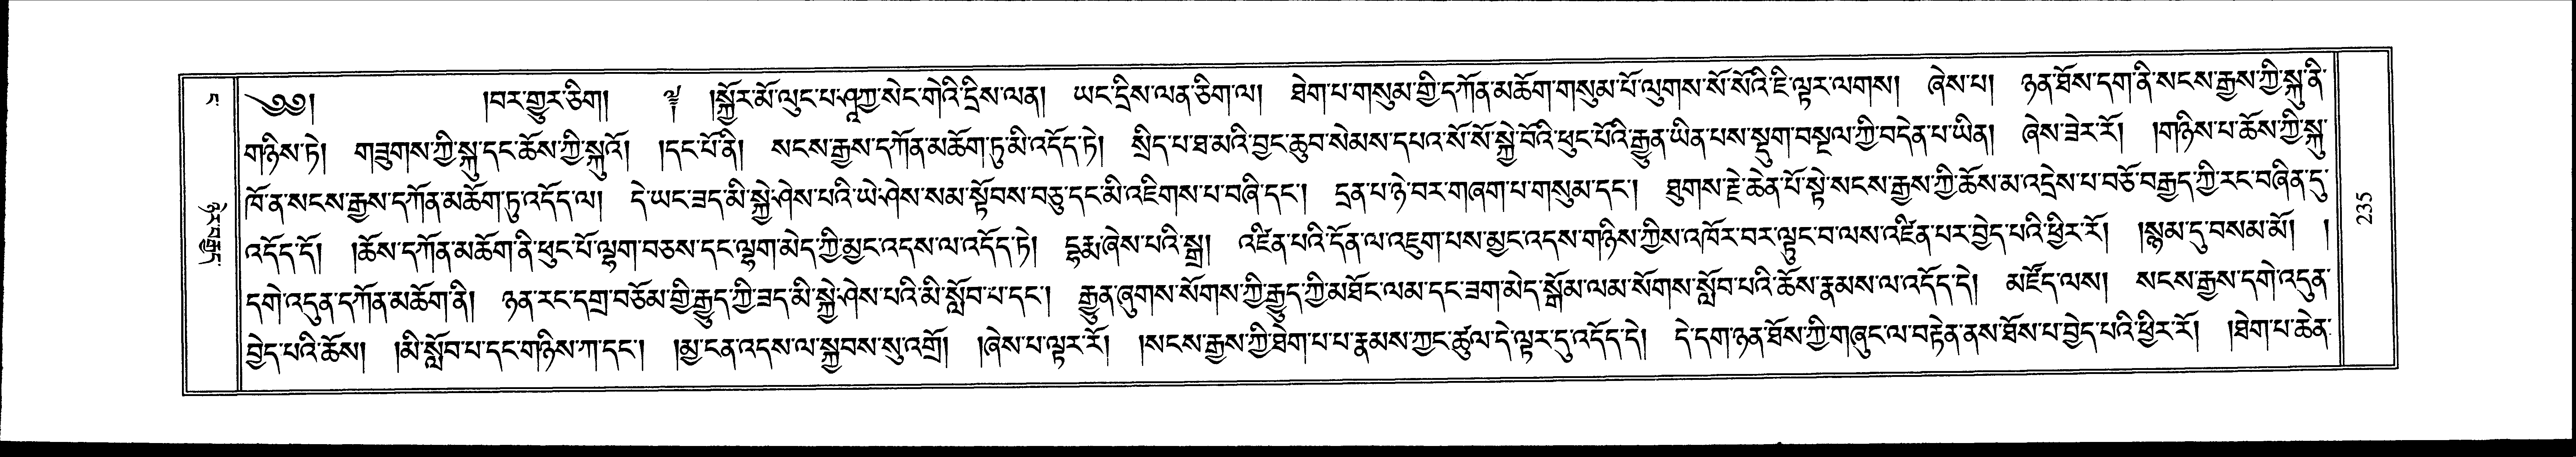༄༅། །བར་གྱུར་ཅིག། ༈ །སྐྱོར་མོ་ལུང་པ་ཤཱཀྱ་སེང་གེའི་དྲིས་ལན། ཡང་དྲིས་ལན་ཅིག་ལ། ཐེག་པ་གསུམ་གྱི་དཀོན་མཆོག་གསུམ་པོ་ལུགས་སོ་སོའི་ཇི་ལྟར་ལགས། ཞེས་པ། ཉན་ཐོས་དག་ནི་སངས་རྒྱས་ཀྱི་སྐུ་ནི་
གཉིས་ཏེ། གཟུགས་ཀྱི་སྐུ་དང་ཆོས་ཀྱི་སྐུའོ། །དང་པོ་ནི། སངས་རྒྱས་དཀོན་མཆོག་ཏུ་མི་འདོད་ཏེ། སྲིད་པ་ཐ་མའི་བྱང་ཆུབ་སེམས་དཔའ་སོ་སོ་སྐྱེ་བོའི་ཕུང་པོའི་རྒྱུན་ཡིན་པས་སྡུག་བསྔལ་ཀྱི་བདེན་པ་ཡིན། །ཞེས་ཟེར་རོ། །གཉིས་པ་ཆོས་ཀྱི་སྐུ་
ཁོ་ན་སངས་རྒྱས་དཀོན་མཆོག་ཏུ་འདོད་ལ། དེ་ཡང་ཟད་མི་སྐྱེ་ཤེས་པའི་ཡེ་ཤེས་སམ་སྟོབས་བཅུ་དང་མི་འཇིགས་པ་བཞི་དང་། དྲན་པ་ཉེ་བར་གཞག་པ་གསུམ་དང་། ཐུགས་རྗེ་ཆེན་པོ་སྟེ་སངས་རྒྱས་ཀྱི་ཆོས་མ་འདྲེས་པ་བཅོ་བརྒྱད་ཀྱི་རང་བཞིན་དུ་
འདོད་དོ། །ཆོས་དཀོན་མཆོག་ནི་ཕུང་པོ་ལྷག་བཅས་དང་ལྷག་མེད་ཀྱི་མྱང་འདས་ལ་འདོད་ཏེ། དྷརྨ་ཞེས་པའི་སྒྲ། འཛིན་པའི་དོན་ལ་འཇུག་པས་མྱང་འདས་གཉིས་ཀྱིས་འཁོར་བར་ལྟུང་བ་ལས་འཛིན་པར་བྱེད་པའི་ཕྱིར་རོ། །སྙམ་དུ་བསམ་མོ། །
དགེ་འདུན་དཀོན་མཆོག་ནི། ཉན་རང་དགྲ་བཅོམ་གྱི་རྒྱུད་ཀྱི་ཟད་མི་སྐྱེ་ཤེས་པའི་མི་སློབ་པ་དང་། རྒྱུན་ཞུགས་སོགས་ཀྱི་རྒྱུད་ཀྱི་མཐོང་ལམ་དང་ཟག་མེད་སྒོམ་ལམ་སོགས་སློབ་པའི་ཆོས་རྣམས་ལ་འདོད་དེ། མཛོད་ལས། སངས་རྒྱས་དགེ་འདུན་
བྱེད་པའི་ཆོས། །མི་སློབ་པ་དང་གཉིས་ཀ་དང་། །མྱ་ངན་འདས་ལ་སྐྱབས་སུ་འགྲོ། །ཞེས་པ་ལྟར་རོ། །སངས་རྒྱས་ཀྱི་ཐེག་པ་པ་རྣམས་ཀྱང་ཚུལ་དེ་ལྟར་དུ་འདོད་དེ། དེ་དག་ཉན་ཐོས་ཀྱི་གཞུང་ལ་བརྟེན་ནས་ཐོས་པ་བྱེད་པའི་ཕྱིར་རོ། །ཐེག་པ་ཆེན་